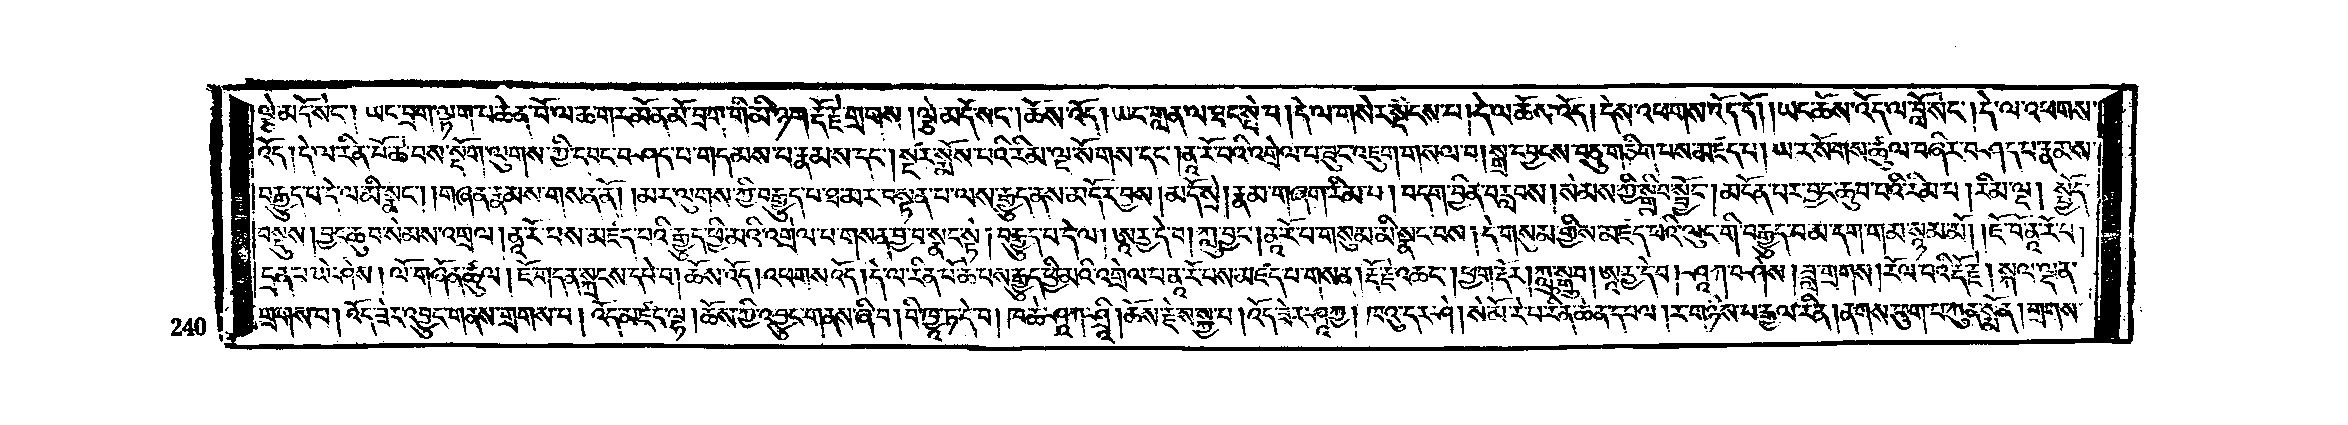ལྕེ་མདོ་སེང་། ཡང་བྲག་ལྟག་པ་ཆེན་པོ་ལ་ཆ་གར་མོན་མོ་བྲག་གི་མི་ཉག་རྡོ་རྗེ་གྲགས། ལྕེ་མདོ་སང་། ཆོས་འོད། ཡང་གླན་ལ་ཐང་སྤེ་བ། དེ་ལ་གསེར་སྡིངས་པ། དེ་ལ་ཆོས་འོད། དེས་འཕགས་འོད་དོ། །ཡང་ཆོས་འོད་ལ་བློ་སེང་། དེ་ལ་འཕགས་
འོད། དེ་ལ་རིན་པོ་ཆེ་བས་སྡོག་ལུགས་ཀྱི་དབང་བཤད་པ་གདམས་པ་རྣམས་དང་། སྔར་སྨོས་པའི་རིམ་ལྔ་སོགས་དང་། ནཱ་རོ་བའི་འགྲེལ་བ་ཟུང་འཇུག་གསལ་བ། སྒྲ་དབྱངས་བཅུ་བཅུག་པས་མཛད་པ། ཡ་ར་སོགས་ཚུལ་བཞིར་བཤད་པ་རྣམས་
བརྒྱུད་པ་དེ་ལ་མི་སྣང་། །གཞན་རྣམས་གསན་ནོ། །མར་ལུགས་ཀྱི་བརྒྱུད་པ་ཐ་མར་བསྟན་པ་ལས་རྒྱུད་ནས་མདོར་བྱས། མདོ་སྲེ། རྣམ་གཞག་རིམ་པ། བདག་བྱིན་བརླབས། སེམས་ཀྱི་སྒྲིབ་སྦྱོང་། མངོན་པར་བྱང་ཆུབ་པའི་རིམ་པ། རིམ་ལྔ། སྤྱོད་
བསྡུས། བྱང་ཆུབ་སེམས་འགྲལ། ནཱ་རོ་པས་མཛད་པའི་རྒྱུད་ཕྱི་མའི་འགྲེལ་པ་གསན་བྱ་བ་སྣང་སྟེ། བརྒྱུད་པ་དེ་ལ། ཨའརཡ་དེ་བ། ཀླུ་བྱང་། ནཱ་རོ་པ་གསུམ་མི་སྣང་བས། དེ་གསུམ་གྱིས་མཛད་པའི་ལུང་གི་བརྒྱུད་པ་མ་དག་གམ་སྙམ་མོ། །ཇོ་བོ་ནཱ་རོ་པ།
དྲན་པ་ཡེ་ཤེས། ལོ་གཞོན་ཚུལ། ཇོ་གདན་སྐྲངས་དཔེ་བ། འཕགས་འོད། དེ་ལ་རིན་པོ་ཆེ་བས་རྒྱུད་ཕྱི་མའི་འགྲེལ་པ་ནཱ་རོ་པས་མཛད་པ་གསན། རྡོ་རྗེ་འཆང་། ཕགས་རྡོར། ཀླུ་སྒྲུབ། ཨའརཡ་དེ་བ། ཤཱཀ་བཤེས། ཟླ་གརགས། རོལ་པའི་རྡོ་རྗེ། སྐལ་ལྡན་
གྲགས་པ། འོད་ཟེར་འབྱུང་གནས་གྲགས་པ། འོད་མཛད་ལྷ། ཆོས་ཀྱི་འབྱུང་གནས་ཞི་བ། བི་ཁྱཱ་ཏ་དེ་བ། ཁ་ཆེ་ཤྰྐ་ཤྲཱི། ཆོས་རྗེ་ས་སྐྱ་པ། འོད་ཟེར་ཤཱཀྱ། ཁའུ་དར་ཤེ། སེ་མོ་རེ་པ་རིན་ཆེན་དཔལ། ར་གཉིས་པ་རྒྱལ་རིན། ནགས་ཕུག་པ་ཀུན་སྨོན། གྲགས་